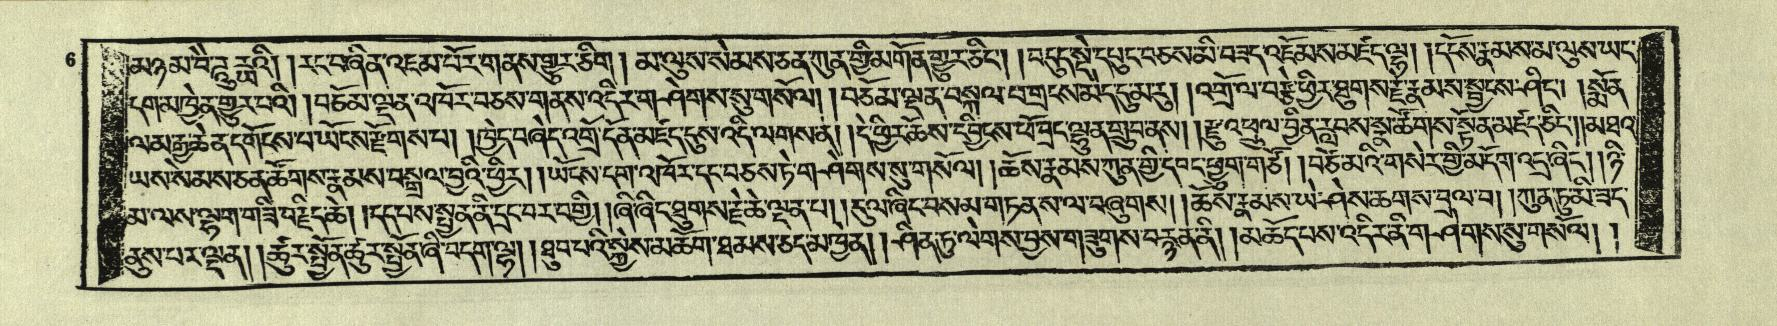མཉམ་བཻ་ཌཱུརྱའི། །རང་བཞིན་འཇམ་པོར་གནས་གྱུར་ཅིག ། མ་ལུས་སེམས་ཅན་ཀུན་གྱི་མགོན་གྱུར་ཅིང་། །བདུད་སྡེ་དཔུང་བཅས་མི་བཟད་འཇོམས་མཛད་ལྷ། །དངོས་རྣམས་མ་ལུས་ཡང་
དག་མཁྱེན་གྱུར་པའི། །བཅོམ་ལྡན་འཁོར་བཅས་གནས་འདིར་གཤེགས་སུ་གསོལ། །བཅོམ་ལྡན་བསྐལ་པ་གྲངས་མེད་དུ་མ་རུ། །འགྲོ་ལ་བརྩེ་ཕྱིར་ཐུགས་རྗེ་རྣམས་སྦྱངས་ཤིང་། །སྨོན་
ལམ་རྒྱ་ཆེན་དགོངས་པ་ཡོངས་རྫོགས་པ། །ཁྱེད་བཞེད་འགྲོ་དོན་མཛད་དུས་འདི་ལགས་ན། །དེ་ཕྱིར་ཆོས་དབྱིངས་ཕོ་བྲང་ལྷུན་གྲུབ་ནས། །རྫུ་འཕྲུལ་བྱིན་རླབས་སྣ་ཚོགས་སྟོན་མཛད་ཅིང་། །མཐའ་
ཡས་སེམས་ཅན་ཚོགས་རྣམས་བསྒྲལ་བྱའི་ཕྱིར། །ཡོངས་དག་འཁོར་དང་བཅས་ཏེ་གཤེགས་སུ་གསོལ། །ཆོས་རྣམས་ཀུན་གྱི་དབང་ཕྱུག་གཙོ། །བཙོ་མའི་གསེར་གྱི་མདོག་འདྲ་ཞིང་། །ཉི་
མ་ལས་ལྷག་གཟི་བརྗིད་ཆེ། །དད་པས་སྤྱན་ནི་དྲང་བར་བགྱི། །ཞི་ཞིང་ཐུགས་རྗེ་ཆེ་ལྡན་པ། །དུལ་ཞིང་བསམ་གཏན་ས་ལ་བཞུགས། །ཆོས་རྣམས་ཡེ་ཤེས་ཆགས་བྲལ་བ། །ཀུན་ཏུ་མི་ཟད་
ནུས་པར་ལྡན། །ཚུར་སྤྱོན་ཚུར་སྤྱོན་ཞི་བདག་ལྷ། །ཐུབ་པའི་སྐྱེས་མཆོག་ཐམས་ཅད་མཁྱེན། །ཤིན་ཏུ་ལེགས་བྱས་གཟུགས་བརྙན་ནི། །མཆོད་པས་འདིར་ནི་གཤེགས་སུ་གསོལ། །